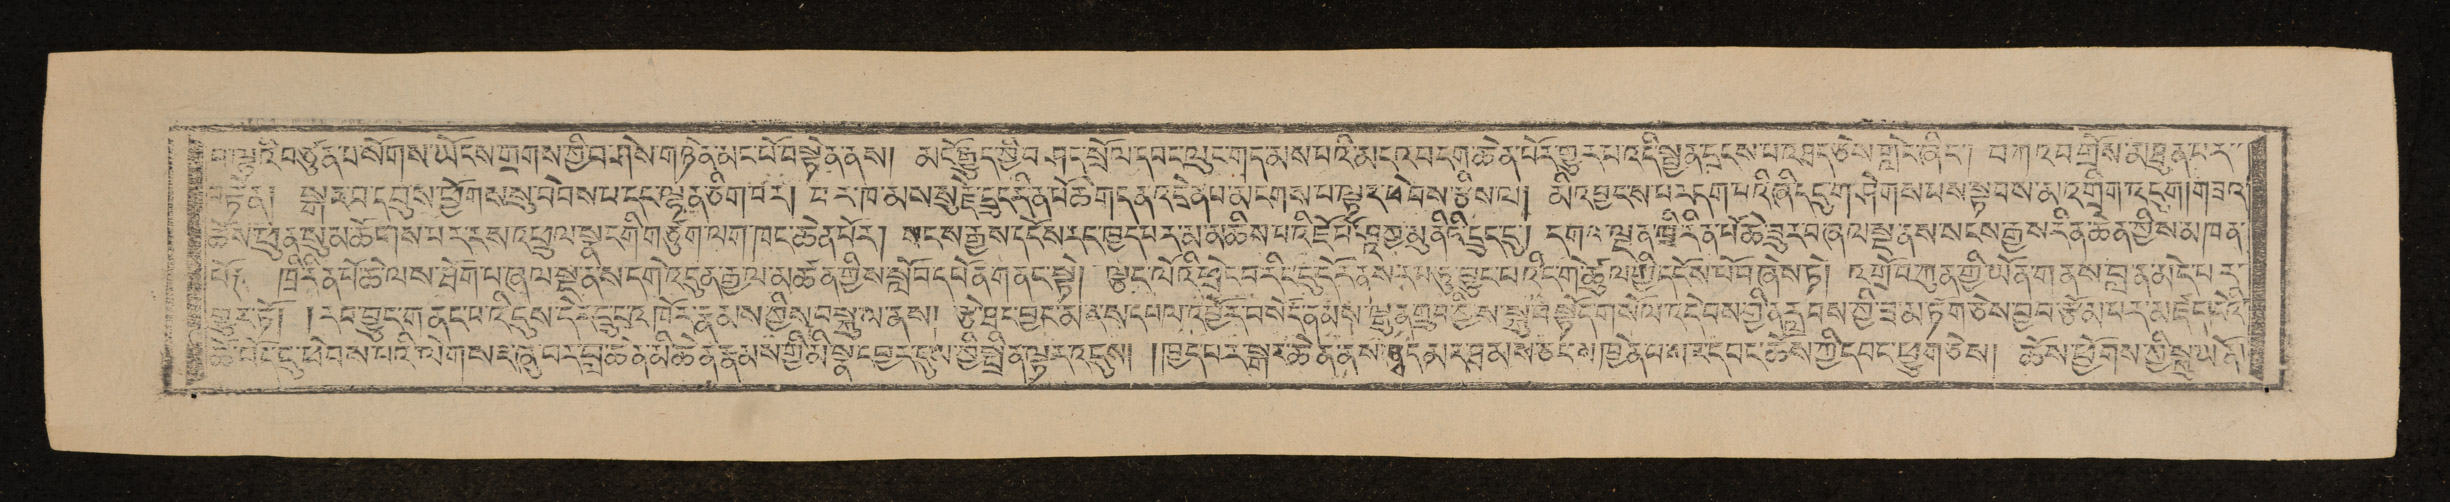བ་ལྷའི་བཙུན་པ་སོགས་ཡོངས་གྲགས་ཀྱི་བཤེས་གཉེན་མང་པོ་བསྟེན་ནས། མདོ་རྒྱུད་ཀྱི་བཤད་སྲོལ་དབང་ལུང་གདམས་པའི་མངའ་བདག་ཆེན་པོར་གྱུར་པ་འདི་སྤྱན་དྲངས་པ་འཐད་ཅེས་གླེང་ཞིང་། བཀའ་བགྲོས་མཐུན་པར་
བརྟེན། སྒར་བ་དབུས་ཕྱོགས་སུ་ཕེབས་པ་དང་ལྷན་ཅིག་པར། བར་ཁམས་སུ་རྗེ་དྲུང་རིན་པོ་ཆེ་གདན་འདྲེན་པ་མངགས་པ་ལྟར་ཕེབས་རྩིས་ལ། མི་འབྱངས་པར་དག་པའི་ཞིང་དུ་གཤེགས་པས་སྟབས་མ་འགྲིག་འདུག། གཟའ་
ཚེས་ཕུན་སུམ་ཚོགས་པར་རས་འཕྲུལ་སྣང་གི་གཙུག་ལག་ཁང་ཆེན་པོར། སངས་རྒྱས་དངོས་དང་ཁྱད་པར་མ་མཆིས་པའི་ཇོ་བོ་ཤཱཀྱ་མུ་ནིའི་དྲུང་དུ། དགའ་ལྡན་ཁྲི་རིན་པོ་ཆེ་ཟུར་བ་ཞལ་སྔ་ནས་སངས་རྒྱས་རིན་ཆེན་གྱིས་མཁན་
པོ༑ ཁྲི་རིན་པོ་ཆེ་ལས་ཐོག་པ་ཞལ་སྔ་ནས་དགེ་འདུན་རྒྱལ་མཚན་གྱིས་སློབ་དཔོན་གནང་སྟེ། ལྕང་ལོའི་ཕྲེང་བ་རིང་དུ་དོར་ནས་རབ་ཏུ་བྱུང་བའི་དགེ་ཚུལ་གྱི་དངོས་པོ་བཞེས་ཏེ། འགྲོ་བ་ཀུན་གྱི་ཡོན་གནས་བླ་ན་མེད་པར་
གྱུར་ཏོ། །རབ་བྱུང་གནང་བའི་དུས་དེར་དྲུང་འཁོར་རྣམས་ཀྱིས་བསྐུལ་ནས། རྩེ་ཐང་བྱང་མ་ནས་དཔལ་འབྱོར་བསོད་ནམས་ལྷུན་གྲུབ་ཀྱིས་སྐུ་བསྟོད་གསོལ་འདེབས་བྱིན་རླབས་ཀྱི་ཟ་མ་ཏོག་ཅེས་བྱ་བ་རྩོམ་པར་མཛད། དེའི་
ཚེ་བོད་དུ་ཕེབས་པའི་ལེགས་ཇ་ཞུ་བར་བླ་ཆེན་མི་ཆེན་རྣམས་ཀྱི་མི་སྣ་དབྱར་དུས་ཀྱི་སྤྲིན་ལྟར་འདུས། ཁྱད་པར་སྒར་ཆེན་ནས་ཞྭ་དམར་ཐམས་ཅད་མཁྱེན་པ་གར་དབང་ཆོས་ཀྱི་དབང་ཕྱུག་ཅེས། ཆོས་ཕྱོགས་ཀྱི་སྐུ་ཡོན་